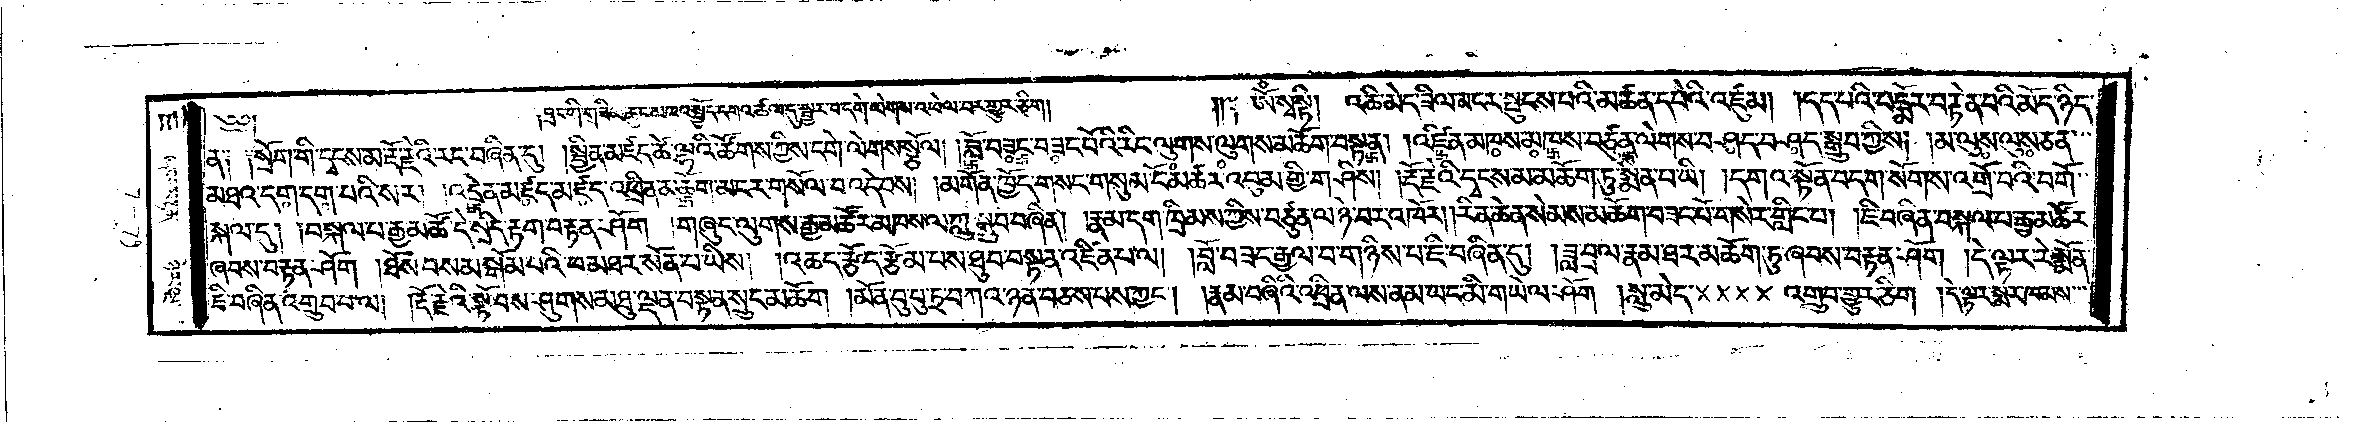༄༅། །བྲང་གི་གཟིམ་ཆུང་མཁའ་སྤྱོད་དགའ་ཚལ་དུ་སྦྱར་བ་དགེ་ལེགས་འཕེལ་བར་གྱུར་ཅིག།  །། ༈ ཨོཾ་སྭསྟི། །འཆི་མེད་ཟིལ་མངར་སྤུངས་པའི་མཚན་དཔེའི་འཛུམ། །དད་པའི་པདམོར་བརྟེན་པའི་མོད་ཉིད་
ན༑ ༑སྲོག་གི་བྭངས་མ་རྡོ་རྗེའི་རང་བཞིན་དུ། །སྦྱིན་མཛད་ཚེ་ལྷའི་ཚོགས་ཀྱིས་དགེ་ལེགས་སྩོལ། །བློ་བཟང་བཟང་པོའི་རིང་ལུགས་ལུགས་མཆོག་བསྟན། །འཛིན་མཁས་མཁས་བཙུན་ལེགས་བཤད་བཤད་སྒྲུབ་ཀྱིས། །མ་ལུས་ལུས་ཅན་
མཐའ་དག་དག་པའི་སར། །འདྲེན་མཛད་མཛད་འཕྲིན་མཆོག་མངར་གསོལ་བ་འདེབས། །མགོན་ཁྱོད་གསང་གསུམ་ངོ་མཚར་འབུམ་གྱི་གཤིས། །རྡོ་རྗེའི་དྭངས་མ་མཆོག་ཏུ་སྨིན་པ་ཡི། །དགའ་སྟོན་བདག་སོགས་འགྲོ་བའི་བགོ་
སྐལ་དུ། །བསྐལ་བ་རྒྱ་མཚོ་དེ་སྲིད་རྟག་བརྟན་ཤོག །གཞུང་ལུགས་རྒྱ་མཚོར་མཁས་ལ་ཀླུ་སྒྲུབ་བཞིན། །རྣམ་དག་ཁྲིམས་ཀྱིས་བཙུན་ལ་ཉེ་བར་འཁོར། །རིན་ཆེན་སེམས་མཆོག་བཟང་པོ་གསེར་གླིང་བ། །ཇི་བཞིན་བསྐལ་བ་རྒྱ་མཚོར་
ཞབས་བརྟན་ཤོག །ཐོས་བསམ་སྒོམ་པའི་ཕ་མཐར་སོན་པ་ཡིས། །འཆད་རྩོད་རྩོམ་པས་ཐུབ་བསྟན་འཛིན་པ་ལ། །བློ་བཟང་རྒྱལ་བ་གཉིས་པ་ཇི་བཞིན་དུ། །ཟླ་བྲལ་རྣམ་ཐར་མཆོག་ཏུ་ཞབས་བརྟན་ཤོག །དེ་ལྟར་རེ་སྨོན་
ཇི་བཞིན་འགྲུབ་པ་ལ། །རྡོ་རྗེའི་སྟོབས་ཤུགས་མཐུ་ལྡན་བསྟན་སྲུང་མཆོག །མོན་བུ་པུ་ཏྲ་བཀའ་ཉན་བཅས་པས་ཀྱང་། །རྣམ་བཞིའི་འཕྲིན་ལས་ནམ་ཡང་མི་གཡེལ་ཤོག །སླུ་མེད་྾྾྾་འགྲུབ་གྱུར་ཅིག །དེ་ལྟར་སྨར་ཁམས་